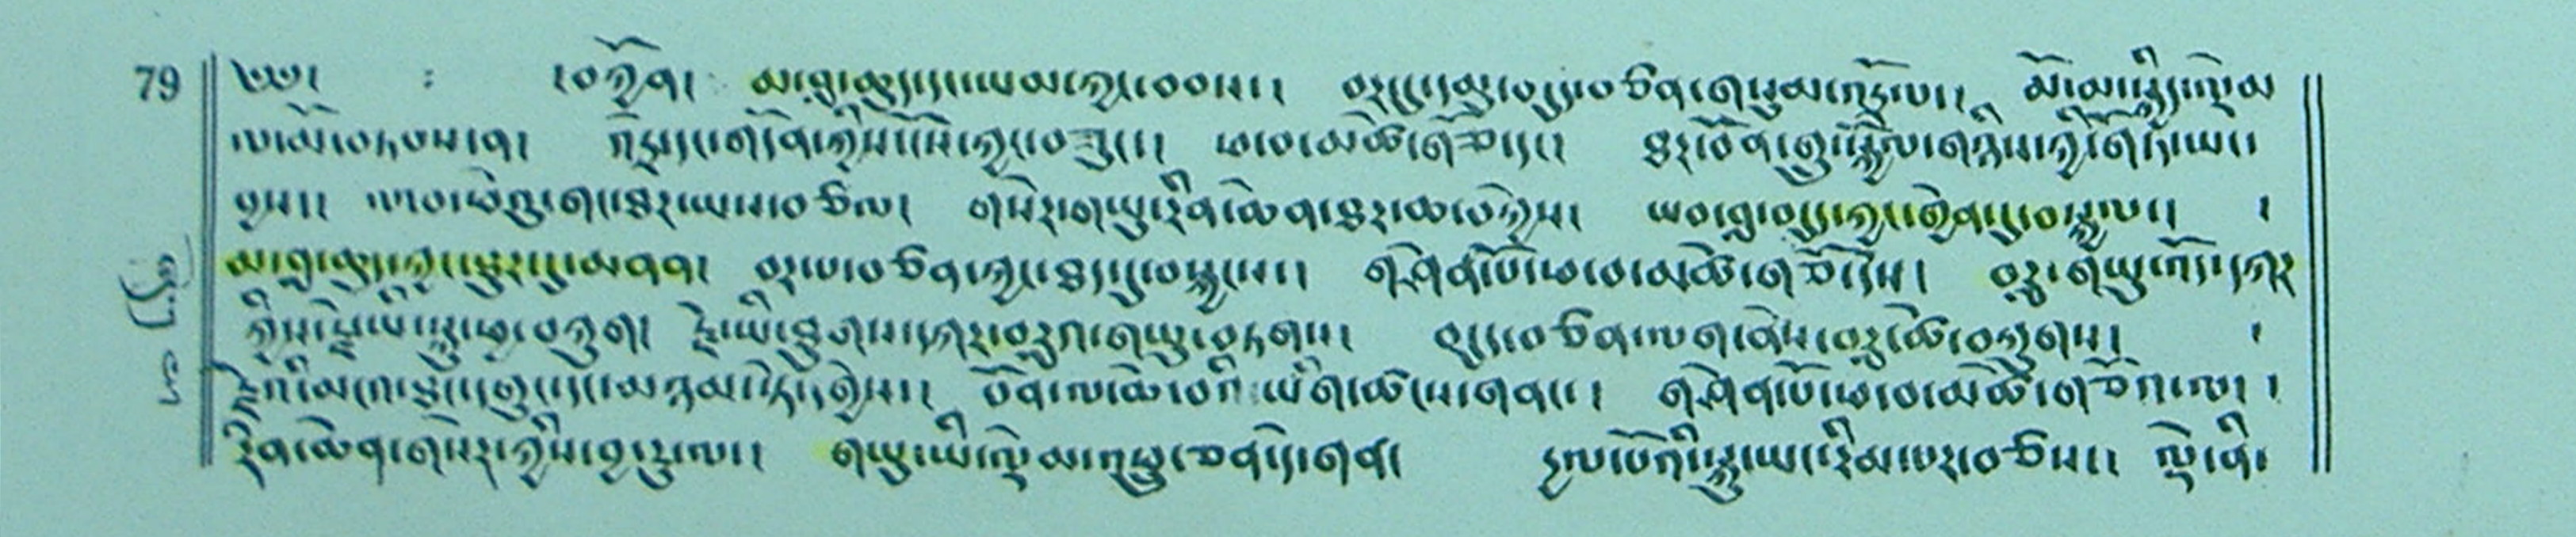༄༅། །བཀྱོན། མ་བླ་ཆུད་དང་ཡམ་ཀྱང་འབབས། བར་དུ་དམུ་བདུད་བཙན་གསུམ་འདྲོལ། མོ་མ་སྐྱིད་ལྡེམ་
ལ་མོ་བཏབས་ནས། འདྲེ་དང་གདོན་ནི་ངོས་ཀྱང་བཟུངས། ཕ་བ་མཚེའ་གཅོ་དང་། ཐར་བོན་གྲུ་སྐྱོལ་གཉིས་ཀྱི་གཏོའ་ཡང་
བྱས། ལ་བ་ཕེའུ་གང་ཐར་ཡས་བཙལ། གསེར་གཡུ་རིན་ཆེན་ཐར་ཆ་བཀྱེས། ཡབ་བླ་བདུད་ཀྱང་གྱེན་དུ་བསྐྱལ། 
མ་བླ་ཆུད་ཀྱང་ཐུར་དུ་མནན། བར་བ་བཙན་ཀྱང་ཐད་དུ་བསྐྱངས། གཤེན་བོན་ཕ་བ་མཚེ་གཅོའ་དེས། བརླ་གཡུའ་འོད་དཀར་
གྱིས་རྗེ་ཡི་སྐུ་ཕྱ་བཀུགས། རྗེ་ཡི་ཐུགས་ཀར་བརླའ་གཡུའ་བཏགས། བདུད་བཙན་ལག་ནེས་བླ་ཚེ་བཀུགས། 
རྗེ་ཡི་མངའ་ཐང་དགུང་དང་མཉམ་སྟེ་དགྱེས། བོན་ལ་ཆེ་བའི་ཡིག་ཚང་གནང་། གཤེན་པོ་ཕ་བ་མཚེ་གཅོའ་ལ། 
རིན་ཆེན་གསེར་གྱི་བྱ་རུ་ལ། གཡུ་ཡི་ལྡེམ་འཕྲུ་ཅན་དེ་གནང་། རྒྱལ་བོའི་སྐུ་ཡང་རིམ་པར་བཙས། ལྡེ་ནི་